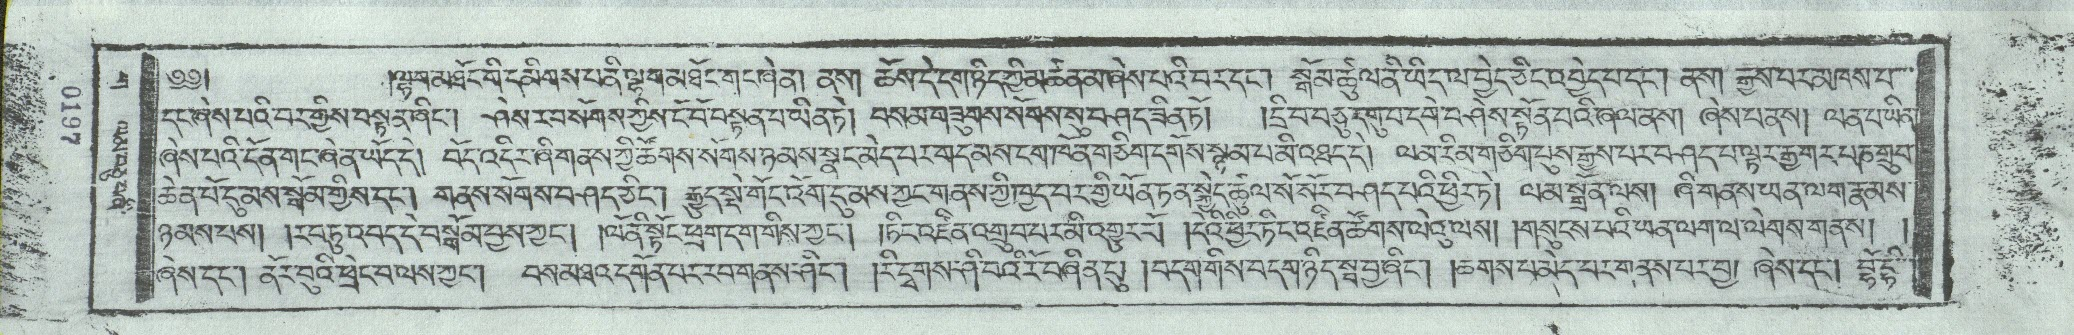༄༅། །ལྷག་མཐོང་གི་དམིགས་པ་ནི་ལྷག་མཐོང་གང་ཞེ་ན། ནས། ཆོས་དེ་དག་ཉིད་ཀྱི་མཚན་མ་ཞེས་པའི་བར་དང་། སྒོམ་ཚུལ་ནི་ཡིད་ལ་བྱེད་ཅིང་འབྱེད་པ་དང་། ནས། རྒྱས་པར་མཁས་པ་
དང་ཞེས་པའི་བར་གྱིས་བསྟན་ཞིང་། ཤེས་རབ་སོགས་ཀྱིས་ངོ་བོ་བསྟན་པ་ཡིན་ཏེ། བསམ་གཟུགས་སོགས་སུ་བཤད་ཟིན་ཏོ། །དྲི་བ་བཅུ་དགུ་པ་དགེ་བཤེས་སྟོན་པའི་ཞལ་ནས། ཞེས་པ་ནས། ལན་པ་ཡིན་
ཞེས་པའི་དོན་གང་ཞེན་ཡོད་དེ། བོད་འདིར་ཞི་གནས་ཀྱི་ཚོགས་སོགས་ཉམས་སྣང་མེད་པར་གདམས་ངག་ཁོ་ན་གཅིག་དགོས་སྙམ་པ་མི་འཐད་དེ། ལམ་རིམ་གཅིག་པུས་རྒྱས་པར་བཤད་པ་ལྟར་རྒྱ་གར་པཎ་གྲུབ་
ཆེན་པོ་དུ་མས་སྒོམ་གྱིས་དང་། གནས་སོགས་བཤད་ཅིང་། རྒྱུད་སྡེ་གོང་འོག་དུ་མས་ཀྱང་གནས་ཀྱི་ཁྱད་པར་གྱི་ཡོན་ཏན་སྐྱེད་ཚུལ་སོ་སོར་བཤད་པའི་ཕྱིར་ཏེ། ལམ་སྒྲོན་ལས། ཞི་གནས་ཡན་ལག་རྣམས་
ཉམས་པས། །རབ་ཏུ་འབད་དེ་བསྒོམ་བྱས་ཀྱང་། །ལོ་ནི་སྟོང་ཕྲག་དག་གིས་ཀྱང་། །ཏིང་འཛིན་འགྲུབ་པར་མི་འགྱུར་རོ། །དེའི་ཕྱིར་ཏིང་འཛིན་ཚོགས་ལེའུ་ལས། །གསུངས་པའི་ཡན་ལག་ལ་ལེགས་གནས། །
ཞེས་དང་། ནོར་བུའི་ཕྲེང་བ་ལས་ཀྱང་། བས་མཐའ་དགོན་པར་རབ་གནས་ཤིང་། །རི་དྭགས་ཤི་བའི་རོ་བཞིན་དུ། །བདག་གིས་བདག་ཉིད་སྤ་བྱ་ཞིང་། །ཆགས་པ་མེད་པར་གནས་པར་བྱ། །ཞེས་དང་། བྷོ་དྷི་